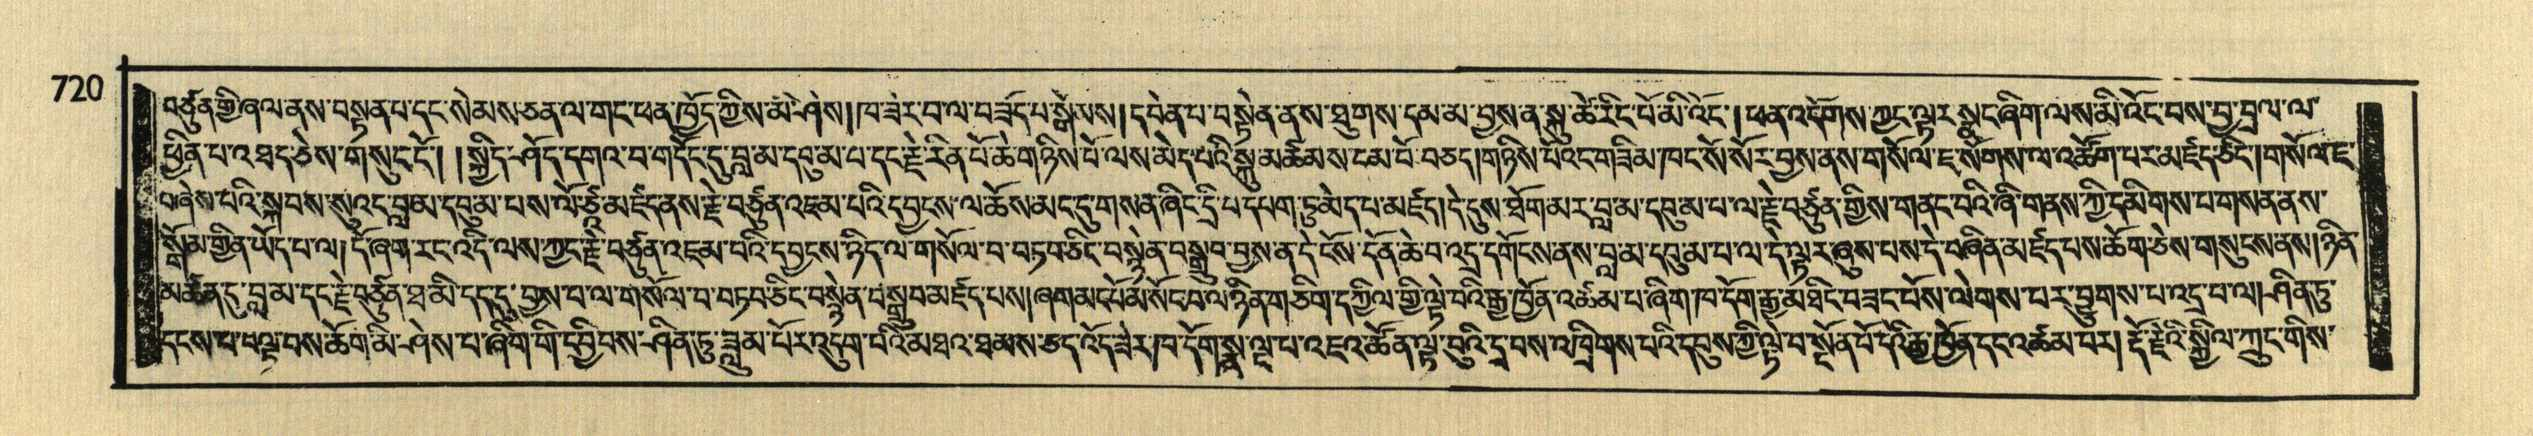བཙུན་གྱི་ཞལ་ནས་བསྟན་པ་དང་སེམས་ཅན་ལ་གང་ཕན་ཁྱོད་ཀྱིས་མི་ཤེས། ཁ་ཟེར་བ་ལ་བཟོད་པ་སྒོམས། དབེན་པ་བསྟེན་ནས་ཐུགས་དམ་མ་བྱས་ནས་སྐུ་ཚེ་རིང་པོ་མི་འོང་། ཕན་འདོགས་ཀྱང་ལྟར་སྣང་ཞིག་ལས་མི་འོང་བས་བྱ་བྲལ་ལ་
ཕྱིན་པ་འཐད་ཅེས་གསུང་ངོ། །སྐྱིད་ཤོད་དགའ་བ་གདོང་དུ་བླ་མ་དབུ་མ་པ་དང་རྗེ་རིན་པོ་ཆེ་གཉིས་པོ་ལས་མེད་པའི་སྐུ་མཚམས་ངམ་པོ་བཅད། གཉིས་པོའང་གཟིམ་ཁང་སོ་སོར་བྱས་ནས་གསོལ་ཇ་སོགས་ལ་འཚོག་པར་མཛད་ཅིང་། གསོལ་ཇ་
བཞེས་པའི་སྐབས་སུའང་བླ་མ་དབུ་མ་པས་ལོ་ཙཱ་མཛད་ནས་རྗེ་བཙུན་འཇམ་པའི་དབྱངས་ལ་ཆོས་མང་དུ་གསན་ཞིང་དྲི་པ་དཔག་ཏུ་མེད་པ་མཛད། དེ་དུས་ཐོག་མར་བླ་མ་དབུ་མ་པ་ལ་རྗེ་བཙུན་གྱིས་གནང་བའི་ཞི་གནས་ཀྱི་དམིགས་པ་གསན་ནས་
སྒོམ་གྱིན་ཡོད་པ་ལ། དོ་ཞག་རང་འདི་ལས་ཀྱང་རྗེ་བཙུན་འཇམ་པའི་དབྱངས་ཉིད་ལ་གསོལ་བ་བཏབ་ཅིང་བསྙེན་བསྒྲུབ་བྱས་ན་དེ་ངོས་དོན་ཆེ་བ་འདྲ་དགོངས་ནས་བླ་མ་དབུ་མ་པ་ལ་དེ་ལྟར་ཞུས་པས་དེ་བཞིན་མཛད་པས་ཆོག་ཅེས་གསུངས་ནས། ཉིན་
མཚན་དུ་བླ་མ་དང་རྗེ་བཙུན་ཐ་མི་དད་དུ་བྱས་པ་ལ་གསོལ་བ་བཏབ་ཅིང་བསྙེན་བསྒྲུབ་མཛད་པས། ཞག་མང་པོ་མ་སོང་བ་ལ་ཉིན་གཅིག་དཀྱིལ་གྱི་ལྟེ་བའི་རྒྱ་ཁྱོན་འཚམ་པ་ཞིག་ཁ་དོག་རྒྱ་མཐིང་བཟང་པོས་ལེགས་པར་བྱུགས་པ་འདྲ་བ་ལ། ཤིན་ཏུ་
དངས་པ་བལྟ་བས་ཆོག་མི་ཤེས་པ་ཞིག་གི་དབྱིབས་ཤིན་ཏུ་ཟླུམ་པོར་འདུག་པའི་མཐའ་ཐམས་ཅད་འོད་ཟེར་ཁ་དོག་སྣ་ལྔ་པ་འཇའ་ཚོན་ལྟ་བུའི་དྲ་བས་འཁྲིགས་པའི་དབུས་ཀྱི་ལྟེ་བ་སྔོན་པོ་དེའི་རྒྱ་ཁྱོན་དང་འཚམ་པར། རྡོ་རྗེའི་སྐྱིལ་ཀྲུང་གིས་